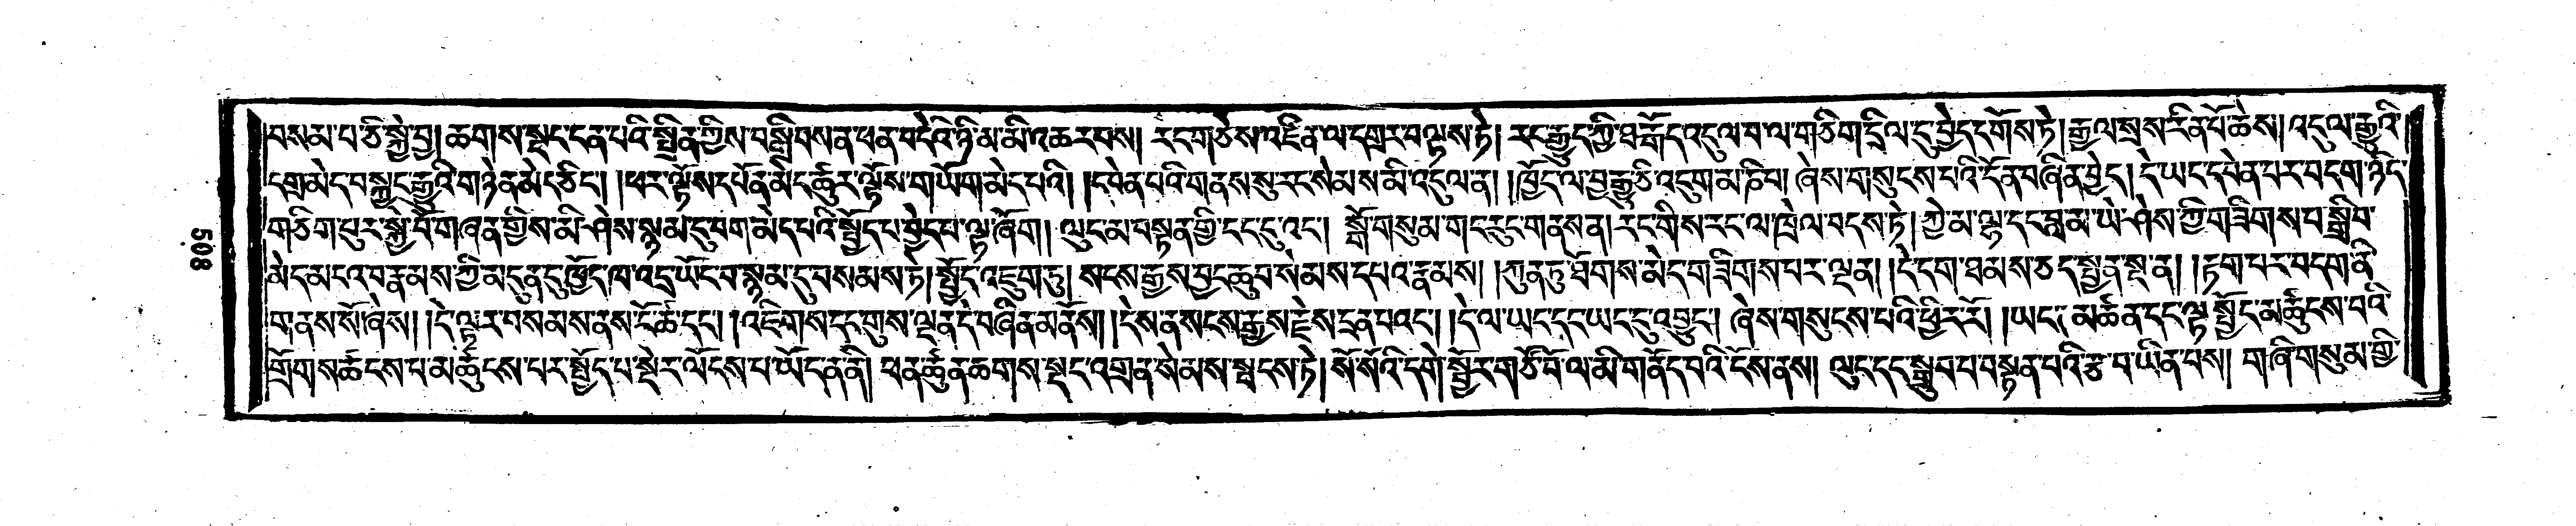བསམ་པ་ཅི་སྐྱེ་བྱ། ཆགས་སྡང་ངན་པའི་སྤྲིན་གྱིས་བསྒྲིབས་ན་ཕན་བདེའི་ཉི་མ་མི་འཆར་བས། རང་གཅེས་འཛིན་ལ་དགྲར་བལྟས་ཏེ། རང་རྒྱུད་ཀྱི་ཐ་རྒོད་འདུལ་བ་ལ་གཅིག་དྲིལ་དུ་བྱེད་དགོས་ཏེ། རྒྱལ་སྲས་རིན་པོ་ཆེས། འདུལ་རྒྱུའི་
དགྲ་མེད་བསྐྱང་རྒྱུའི་གཉེན་མེད་ཅིང་། །ཕར་ལྟོས་དཔོན་མེད་ཚུར་ལྟོས་གཡོག་མེད་པའི། །དབེན་པའི་གནས་སུ་རང་སེམས་མི་འདུལ་ན། །ཁྱོད་ལ་བྱ་རྒྱུ་ཅི་འདུག་མ་ཎི་བ། ཞེས་གསུངས་པའི་དོན་བཞིན་བྱེད། དེ་ཡང་དབེན་པར་བདག་ཉིད་
གཅིག་པུར་སྐྱེ་བོ་གཞན་གྱིས་མི་ཤེས་སྙམ་དུ་བག་མེད་པའི་སྤྱོད་པ་བྱེད་པ་ལྟ་ཞོག །ལུང་མ་བསྟན་གྱི་ངང་དུའང་། སྒོ་གསུམ་གང་རུང་གནས་ན། རང་གིས་རང་ལ་ཁྲེལ་བདས་ཏེ། ཀྱེ་མ་ལྷ་དང་བླ་མ་ཡེ་ཤེས་ཀྱི་གཟིགས་པ་སྒྲིབ་
མེད་མངའ་བ་རྣམས་ཀྱི་མདུན་དུ་ཁྱོད་ཁ་འདྲ་ཡོང་བ་སྙམ་དུ་བསམས་ཏེ། སྤྱོད་འཇུག་ཏུ། སངས་རྒྱས་བྱང་ཆུབ་སེམས་དཔའ་རྣམས། །ཀུན་ཏུ་ཐོགས་མེད་གཟིགས་པར་ལྡན། །དེ་དག་ཐམས་ཅད་སྤྱན་སྔ་ན། །རྟག་པར་བདག་ནི་
གནས་སོ་ཞེས། །དེ་ལྟར་བསམས་ནས་ངོ་ཚ་དང་། །འཇིགས་དང་གུས་ལྡན་དེ་བཞིན་མནོས། །དེས་ན་སངས་རྒྱས་རྗེས་དྲན་པའང་། །དེ་ལ་ཡང་དང་ཡང་དུ་འབྱུང་། ཞེས་གསུངས་པའི་ཕྱིར་རོ། །ཡང༑ མཚན་དང་ལྟ་སྤྱོད་མཚུངས་པའི་
གྲོགས་ཚངས་པ་མཚུངས་པར་སྤྱོད་པ་སྡེར་ལོངས་པ་ཡོད་ན་ནི། ཕན་ཚུན་ཆགས་སྡང་འགྲན་སེམས་སྤངས་ཏེ། སོ་སོའི་དགེ་སྦྱོར་གཙོ་བོ་ལ་མི་གནོད་པའི་ངོས་ནས། ལུང་དང་སྒྲུབ་པ་བསྟན་པའི་རྩ་བ་ཡིན་པས། གཞི་གསུམ་གྱི་